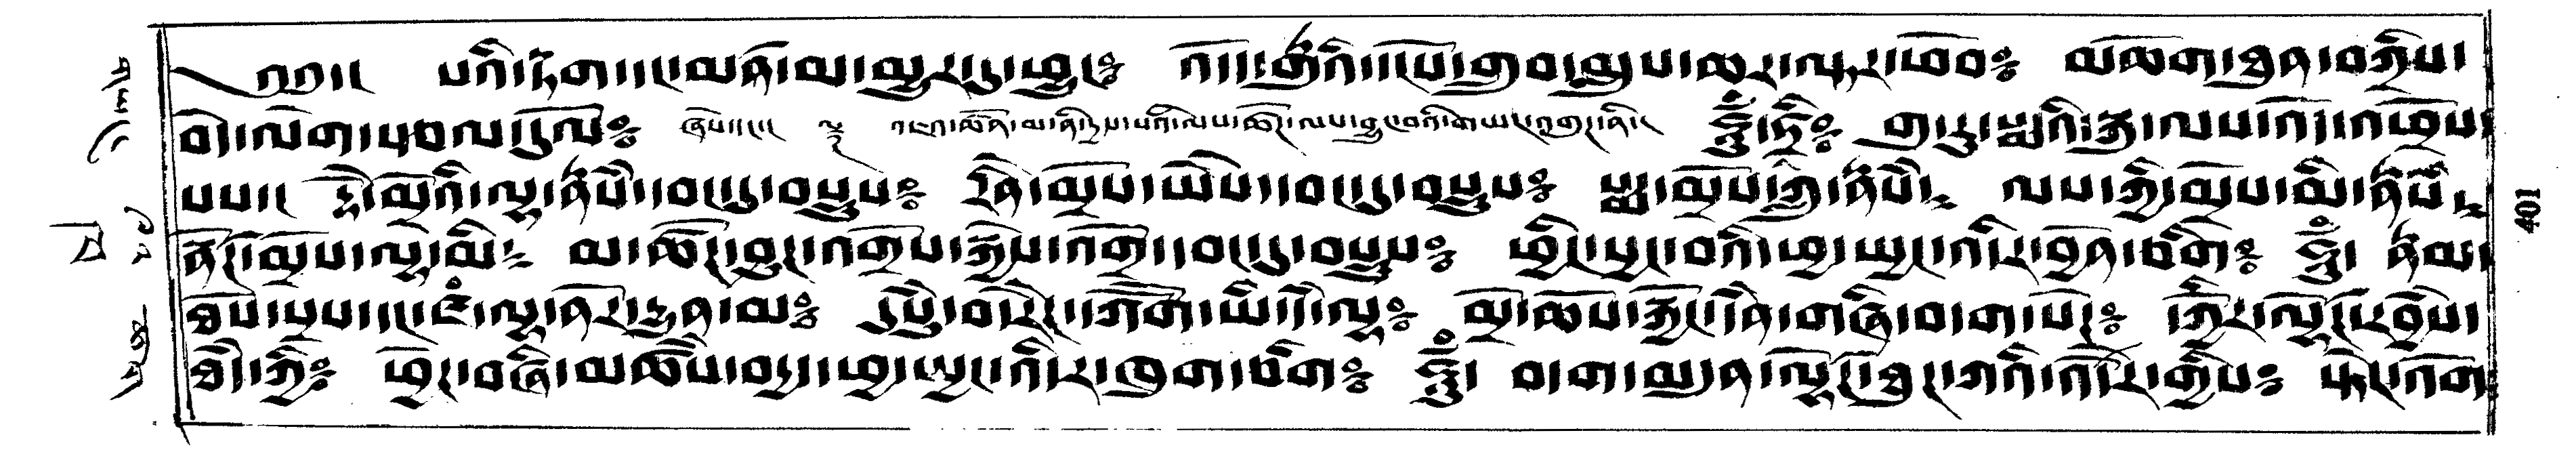པའི་རྟགས་དང་མཚན་མ་མྱུར་དུ་ཕྱུངས༔ འདོད་རྒུའི་དངོས་གྲུབ་མ་ལུས་ཆར་ལྟར་ཕོབ༔ མཆོག་ཐུན་བཀྲ་ཤིས་
བདེ་ལེགས་བསྩལ་དུ་གསོལ༔ ཞེས་དང་། ༈ འཇའ་ཚོན་མ་ནིང་རྒྱས་པའི་ལས་ཚོགས་ལས་བྱུང་བའི་གཡང་འགུགས་ནི། ཧཱུྃ་ཧྲཱི༔ གུ་རུ་པདྨའི་སྐུ་ལས་འོད་འཕྲོས་
པས། །རྡོ་རྗེ་མཁའ་འགྲོའི་ལྷ་རྣམས་དབང་དུ་བསྡུས༔ རིན་ཆེན་མཁའ་འགྲོས་ཡེ་ཤེས་དབང་དུ་བསྡུས༔ པདྨ་མཁའ་འགྲོས་ཀླུ་རྣམས༴ ལས་ཀྱི་མཁའ་འགྲོས་མི་རྣམས༴ 
སྣ་ཚོགས་མཁའ་འགྲོས་ལྷ་མི༴ མ་ཚོགས་ཤུགས་འགྲོས་སྐྱེས་འགྲོ་དབང་དུ་བསྡུས༔ ཕྱིང་གསང་བའི་ཕྱྭ་གཡང་འདིར་བྱོན་ཅིག༔ ཧཱུྃ༔ རྣམ་
ཐོས་སྲས་དང་ཛཾ་ལ་ནོར་རྒྱུན་མ༔ དུས་གསུམ་བདེ་གཤེགས་དཀོན་མཆོག་ཡི་དམ་ལྷ༔ མཁའ་འགྲོ་ཆོས་སྐྱོང་དམ་ཅན་གཞི་བདག་སོགས༔ དཀྱིལ་འཁོར་ལྷ་ཚོགས་རབ་འབྱམས་
ཐམས་ཅད་ཀྱི༔ ཕྱོགས་བཞི་མཚམས་བརྒྱད་ཕྱྭ་གཡང་འདིར་ཁུག་ཅིག༔ ཧཱུྃ། བདག་མདུན་ལྷ་ཚོགས་ཐུགས་ཀའི་འོད་ཟེར་གྱིས༔ སྟེང་འོག་